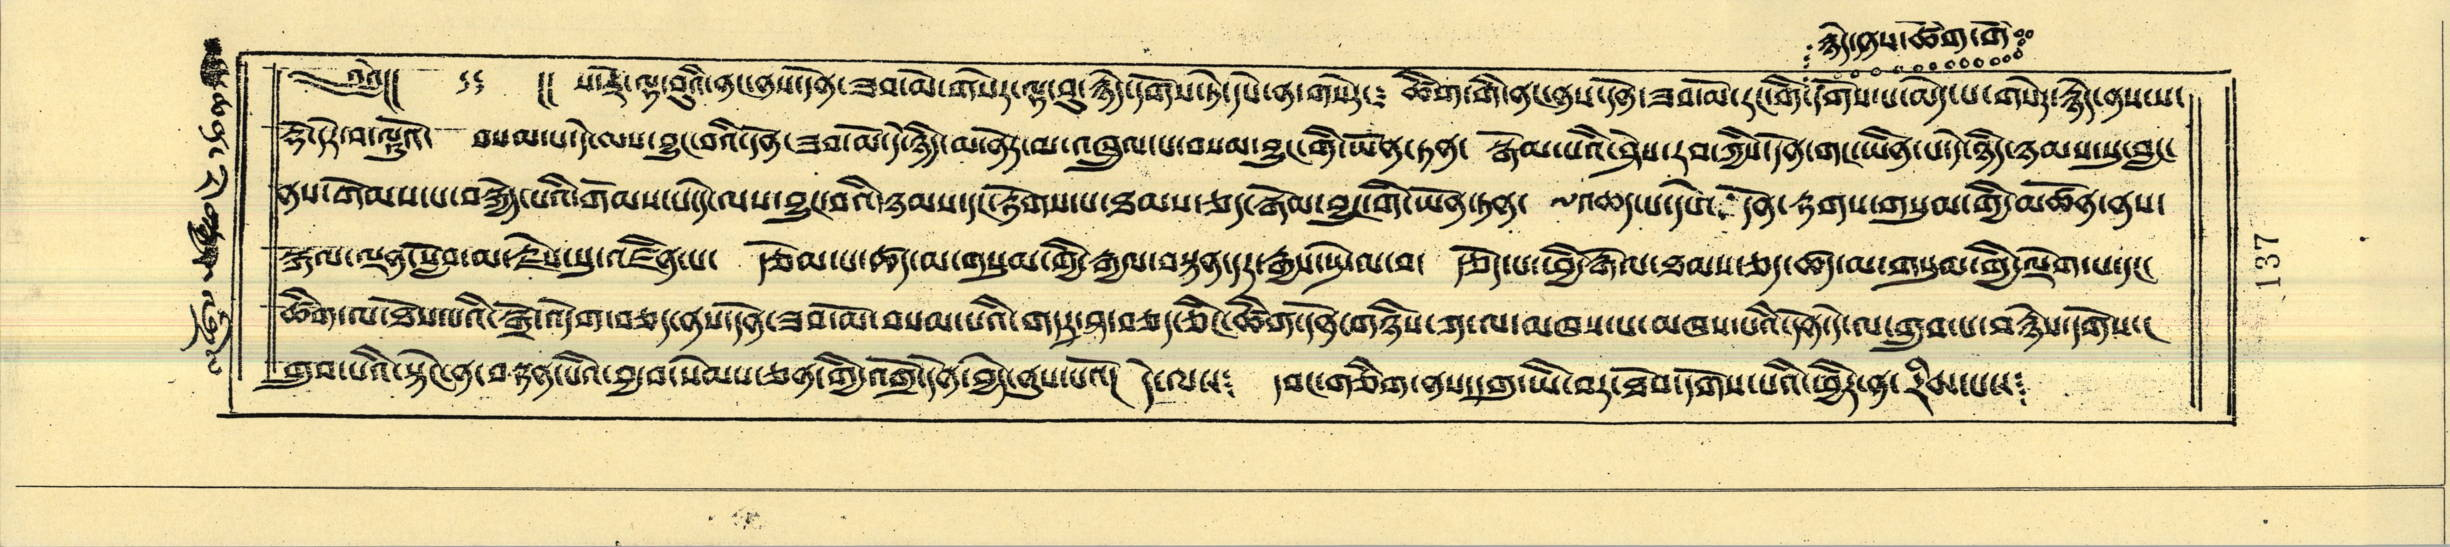ས་རྡོ་ལྟ་བུའི་ནང་ནས་དོན་ཟབ་མོ་གསེར་ལྟ་བུ་རྙེད་དགོས་ཏེ་དཔེར་ན་གསེར༑ ཚིག་གི་ནང་ནས་དོན་ཟབ་མོ་རང་གིས་རྙེད་ནས་ཚིག་གིས་དགོས་པ་མེད་པར་གསེར་རྙེད་ནས་ས་
རྡོ་དོར་བ་ལྟ་བུའོ། བསམ་པ་དེ་ལས་བྱུང་བའི་དོན་ཟབ་མོ་མ་ནོར་མ་འཁྲུལ་པ་བསམ་བྱུང་གི་ཡོན་ཏན། སྒོམ་པའི་ཤེས་རབ་ཀྱིས་དོན་གང་ཡིན་པ་དེ་ཉིད་ཉམས་སུ་བླང་
ནས་གོམས་པ་བསྐྱེད་པའི་གོམས་པ་དེ་ལས་བྱུང་བའི་ཉམས་དང་རྟོགས་པ་ཐམས་ཅད་སྒོམ་འབྱུང་གི་ཡོན་ཏན། འཆད་པ་དཔེ་དོན་རྟགས་གསུམ་གྱི་མཚོན་ནས་
སྐལ་ལྡན་སློབ་མ་རྗེས་སུ་འཛིན་པ། རྩོམ་པ་ཚད་མ་གསུམ་གྱི་རྒྱལ་བསྟན་དར་རྒྱས་སྤེལ་བ། རྩོད་པ་ཕྱི་རྒོལ་ཐམས་ཅད་ཚད་མ་གསུམ་གྱི་ལྡོག་པ་དང་། 
ཚིག་ལ་ཐོས་པའི་སྒྲོ་འདོགས་བཅད་ནས་དོན་ཟབ་མོ་བསམ་པའི་གདར་ཤ་བཅད་ཅིང་ཚིག་དོན་གཉིས་ཀ་ལ་མཁས་པ་མཁས་པའི་དོན་དེ་ལ་གྲུབ་པ་བརྙེས་དགོས། 
གྲུབ་པའི་སྟེང་ན་བརྟན་པའི་བྱ་བ་སེམས་ཅན་གྱི་འགྲོ་དོན་བྱེད་ནུས་པའོ།།༼དེ་ལས༽དབང་གཅིག་ནས་དགུ་ཡི་བར་ཐོབ་དགོས་པའི་ཕྱིར་ན་༼རིམ་པས༽